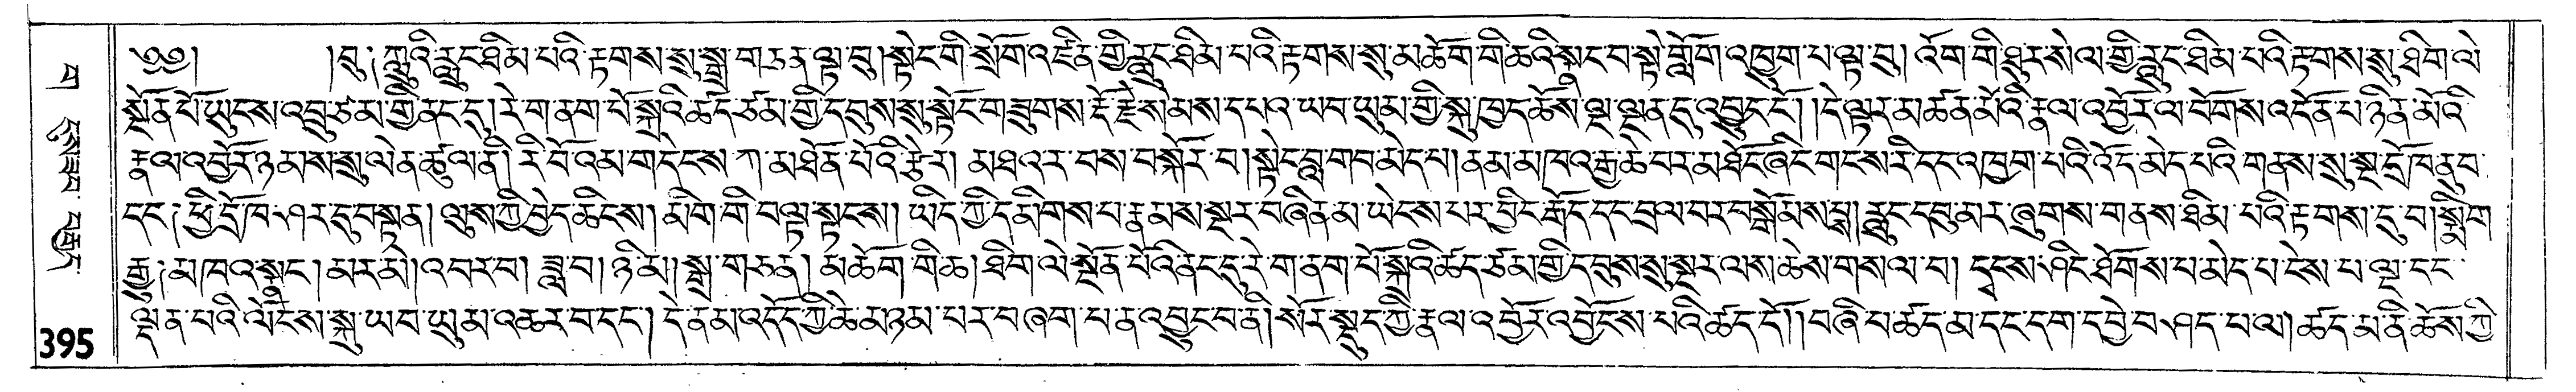༄༅། །བུ། ཀླུའི་རླུང་ཐིམ་པའི་རྟགས་སུ་སྒྲ་གཅན་ལྟ་བུ། སྟེང་གི་སྲོག་འཛིན་གྱི་རླུང་ཐིམ་པའི་རྟགས་སུ་མཆོག་གི་ཆའི་སྣང་བ་སྟེ་གློག་འཁྱུག་པ་ལྟ་བུ། འོག་གི་ཐུར་སེལ་གྱི་རླུང་ཐིམ་པའི་རྟགས་སུ་ཐིག་ལེ་
སྔོན་པོ་ཡུངས་འབྲུ་ཙམ་གྱི་ནང་དུ། རེ་ག་ནག་པོ་སྐྲའི་ཚད་ཙམ་གྱི་དབུས་སུ་སྟོང་གཟུགས་རྡོ་རྗེ་སེམས་དཔའ་ཡབ་ཡུམ་གྱི་སྐུ་ཁྱད་ཆོས་ལྔ་ལྡན་དུ་འབྱུང་ངོ། །དེ་ལྟར་མཚན་མོའི་རྣལ་འབྱོར་ལ་བོགས་འདོན་པ་ཉིན་མོའི་
རྣལ་འབྱོར་ཉམས་སུ་ལེན་ཚུལ་ནི། རི་བོ་འམ་གདེངས་ཀ་མཐོན་པོའི་རྩེར། མཐའ་ར་བས་བསྐོར་བ། སྟེང་བླ་གབ་མེད་པ། ནམ་མཁའ་རྒྱ་ཆེ་བར་མཐོང་ཞིང་གངས་རི་དང་འཁྱག་པའི་འོད་མེད་པའི་གནས་སུ་ང་དྲོ་ཁ་ནུབ་
དང་། ཕྱི་དྲོ་ཁ་ཤར་དུ་བསྟན། ལུས་ཀྱི་བྱེད་ཆིངས། མིག་གི་བལྟ་སྟངས། ཡིད་ཀྱི་དམིགས་པ་རྣམས་སྔར་བཞིན་མ་ཡེངས་པར་བྱིང་རྒོད་དང་བྲལ་བར་བསྒོམས་པས། རླུང་དབུ་མར་ཞུགས་གནས་ཐིམ་པའི་རྟགས་དུ་བ། སྨིག་
རྒྱུ། མཁའ་སྣང་། མར་མེ། འབར་བ། ཟླ་བ། ཉི་མ། སྒྲ་གཅན། མཆོག་གི་ཆ། ཐིག་ལེ་སྔོན་པོའི་ནང་དུ་རེ་ག་ནག་པོ་སྐྲའི་ཚད་ཙམ་གྱི་དབུས་སུ་སྔར་ལས་ཆེས་གསལ་བ། དྭངས་ཤིང་ཐོགས་པ་མེད་པ་ངེས་པ་ལྔ་དང་
ལྡན་པའི་ལོངས་སྐུ་ཡབ་ཡུམ་འཆར་བ་དང་། དེ་ནམ་འདོད་ཀྱི་ཆེ་མཉམ་པར་བཞག་པ་ན་འབྱུང་བ་ནི། སོར་སྡུད་ཀྱི་རྣལ་འབྱོར་འབྱོངས་པའི་ཚད་དོ། །བཞི་པ་ཚད་མ་དང་དག་དབྱེ་བཤད་པ་ལ། ཚད་མ་ནི་ཆོས་ཀྱི་